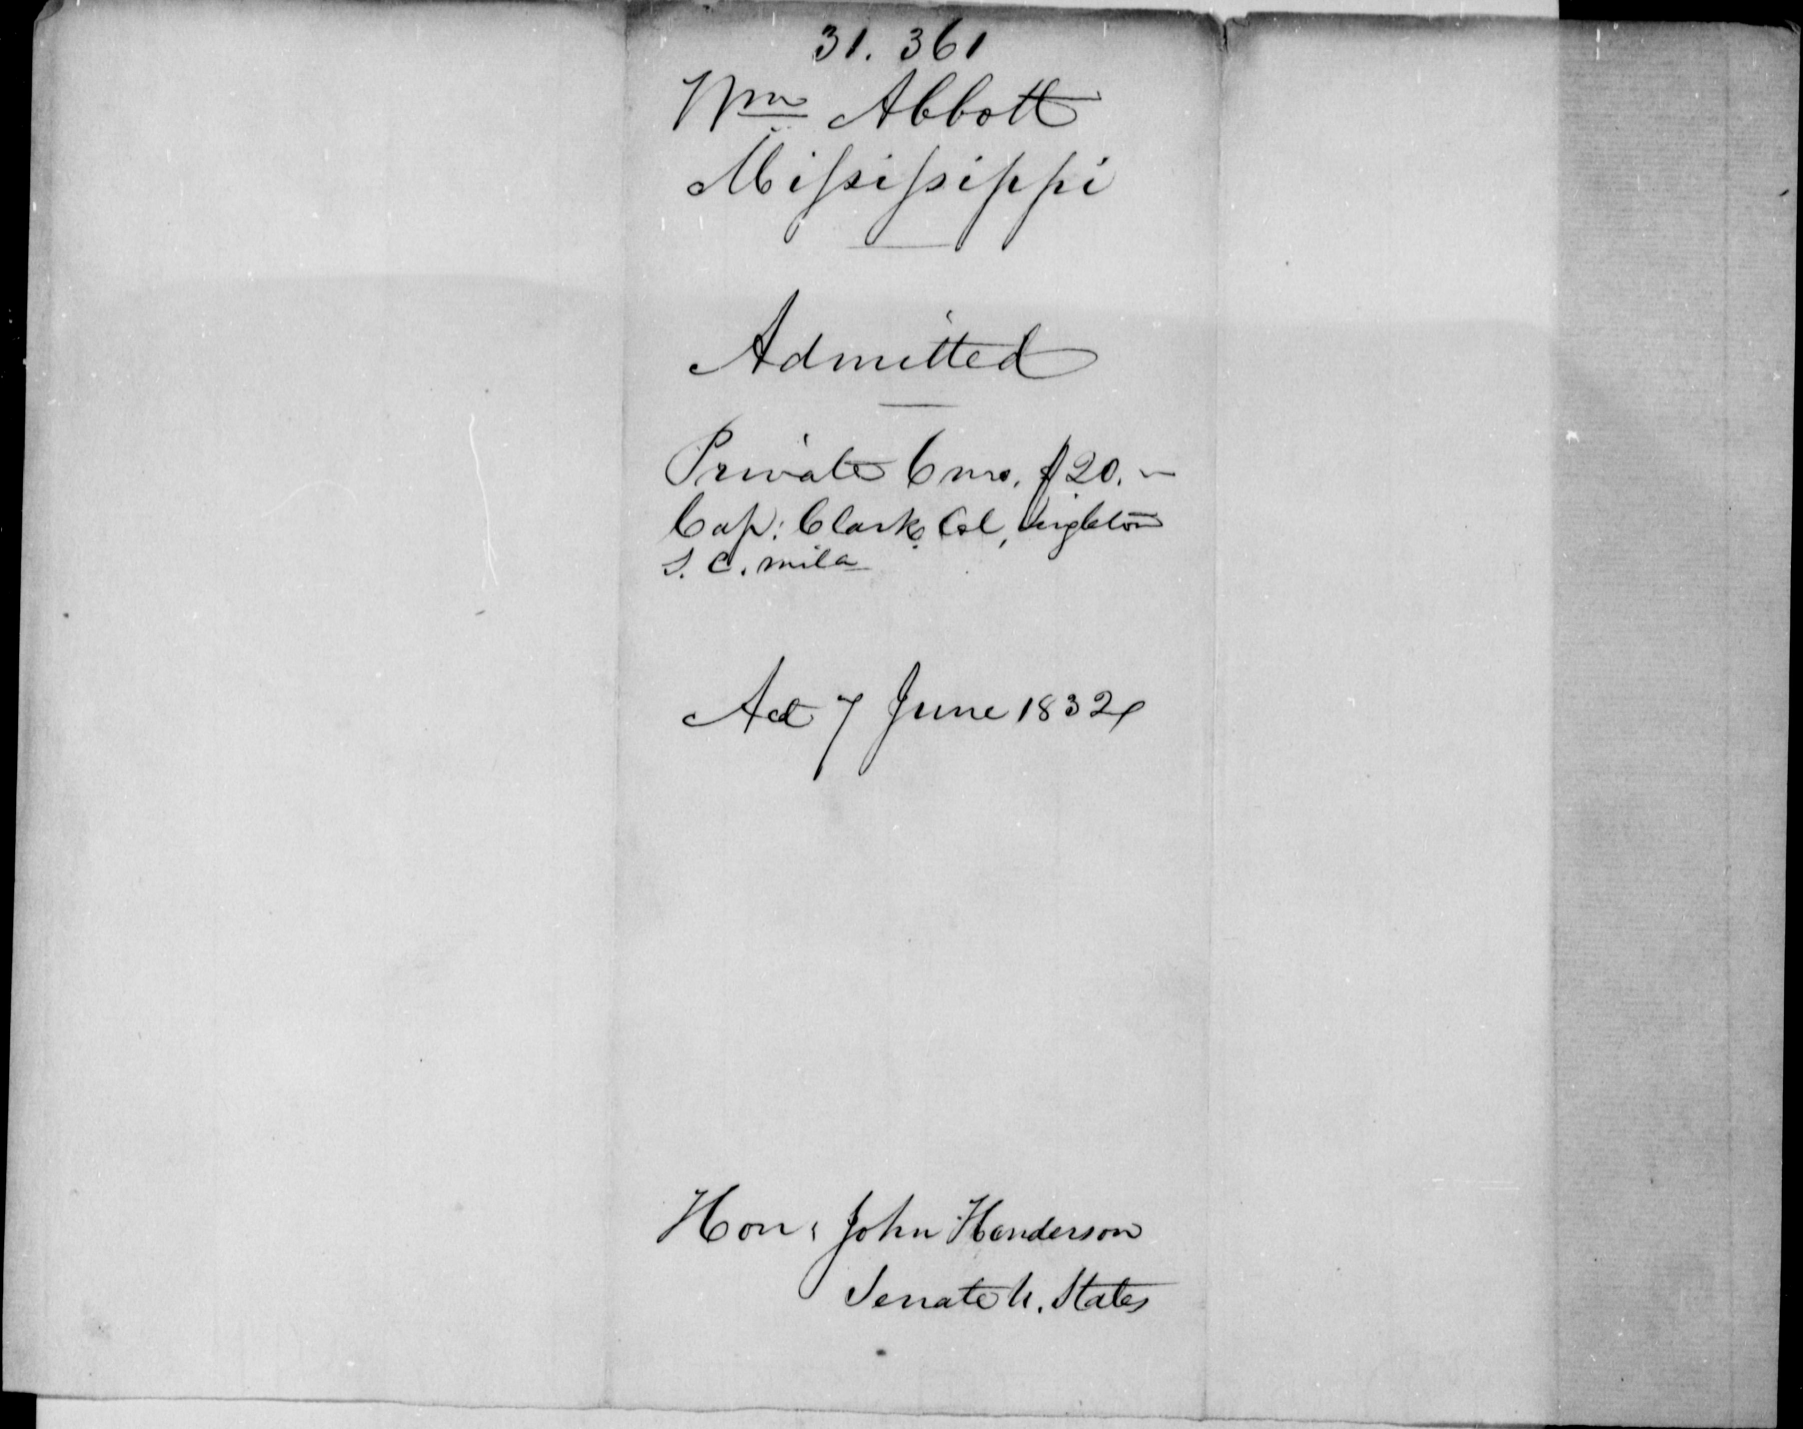31.361
Wm Abbott
Mississippi

Admitted

Private 6 mo. $20.
Cap. Clark, Col. Singleton
S.C. mila [militia]

Act 7 June 1832

Hon. John Henderson
Senate U. States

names: John Henderson, Clark, Wm Abbott, Singleton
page: 11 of 38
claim: survivor's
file: S. 30. 239, William Abbott, S.C.